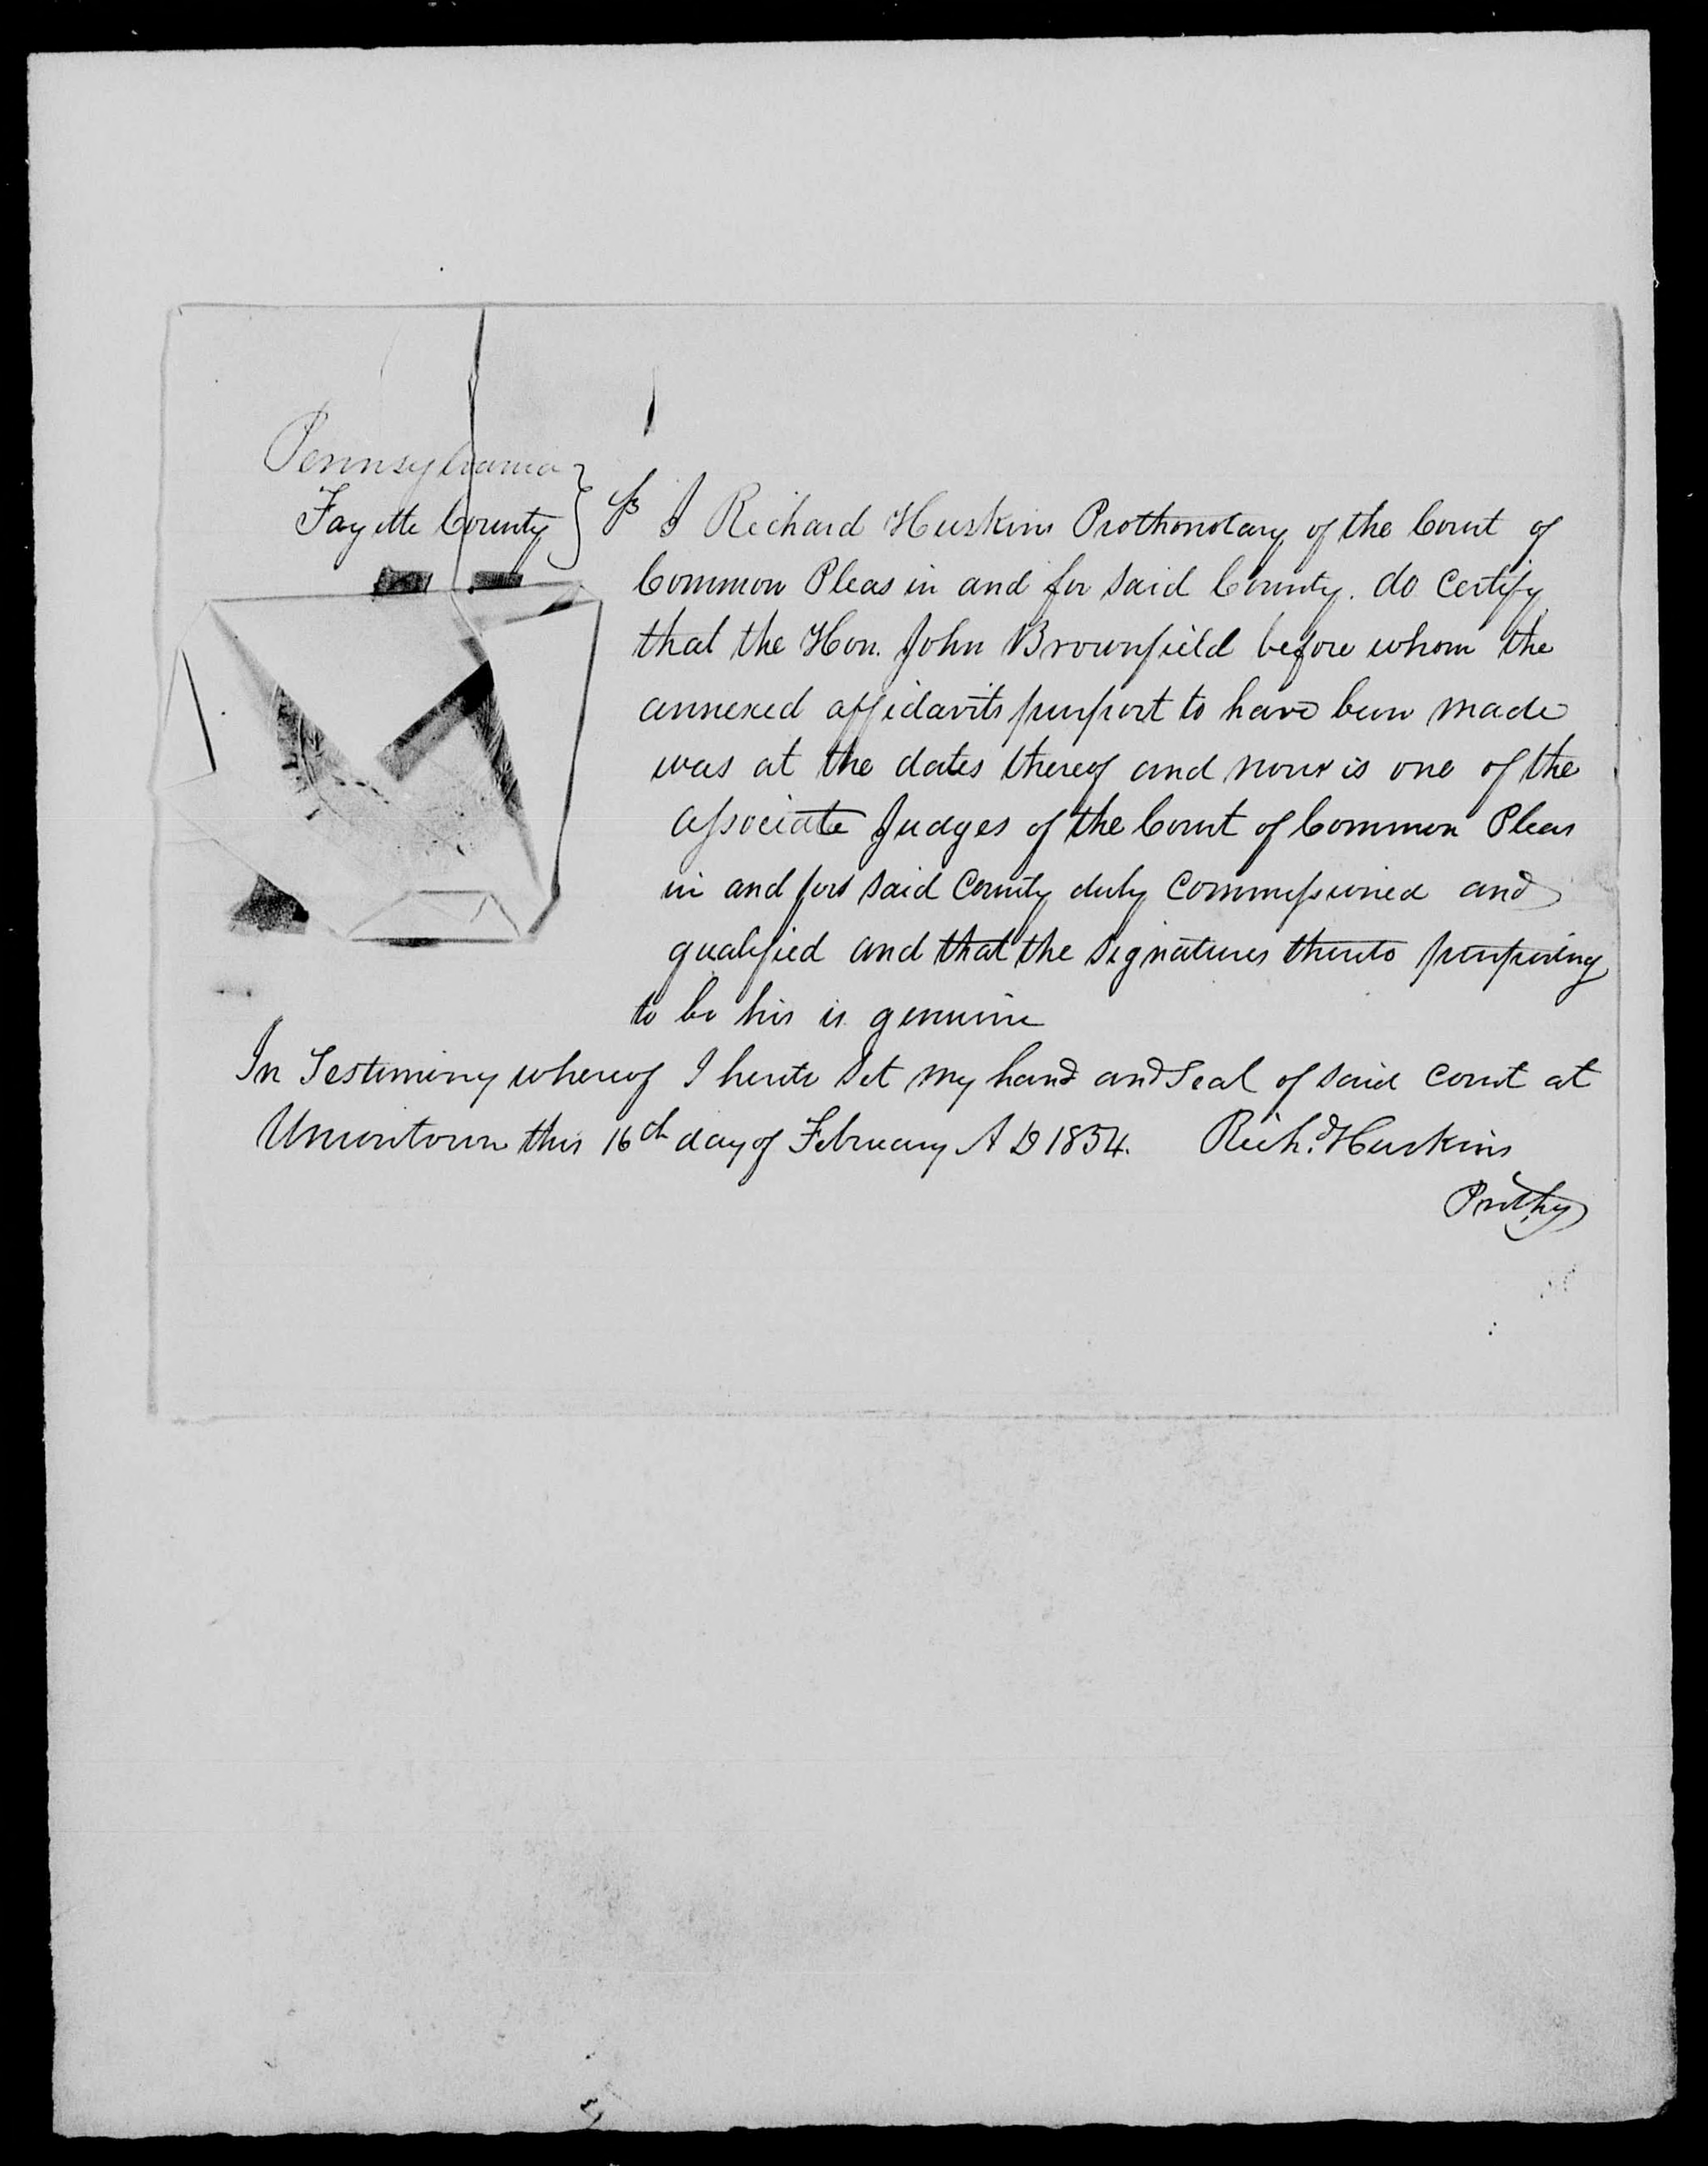Pennsylvania }
Fayette County } [illegible]
[attached seal]
I Richard Huskins Prothonotary of the Court of Common Pleas in and for said County. do certify that the Hon. John Broomfield before whom the annexed affidavits purports to have been made was at the dates thereof and now is one of the associate Judges of the Court of Common Pleas in and for said County duly Commissioned and qualified and that the signatures thereto purposing to be his is genuine.
In Testimony whereof I hereto Set my hand and Seal of said court at Uniontown this 16th day of February AD 1854.
Rich. Huskins
Prothy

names: Richard Huskins, Richd Huskins, John Brownfield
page: 19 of 19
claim: rejected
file: R. 2,283, Richard Cooley, Md.